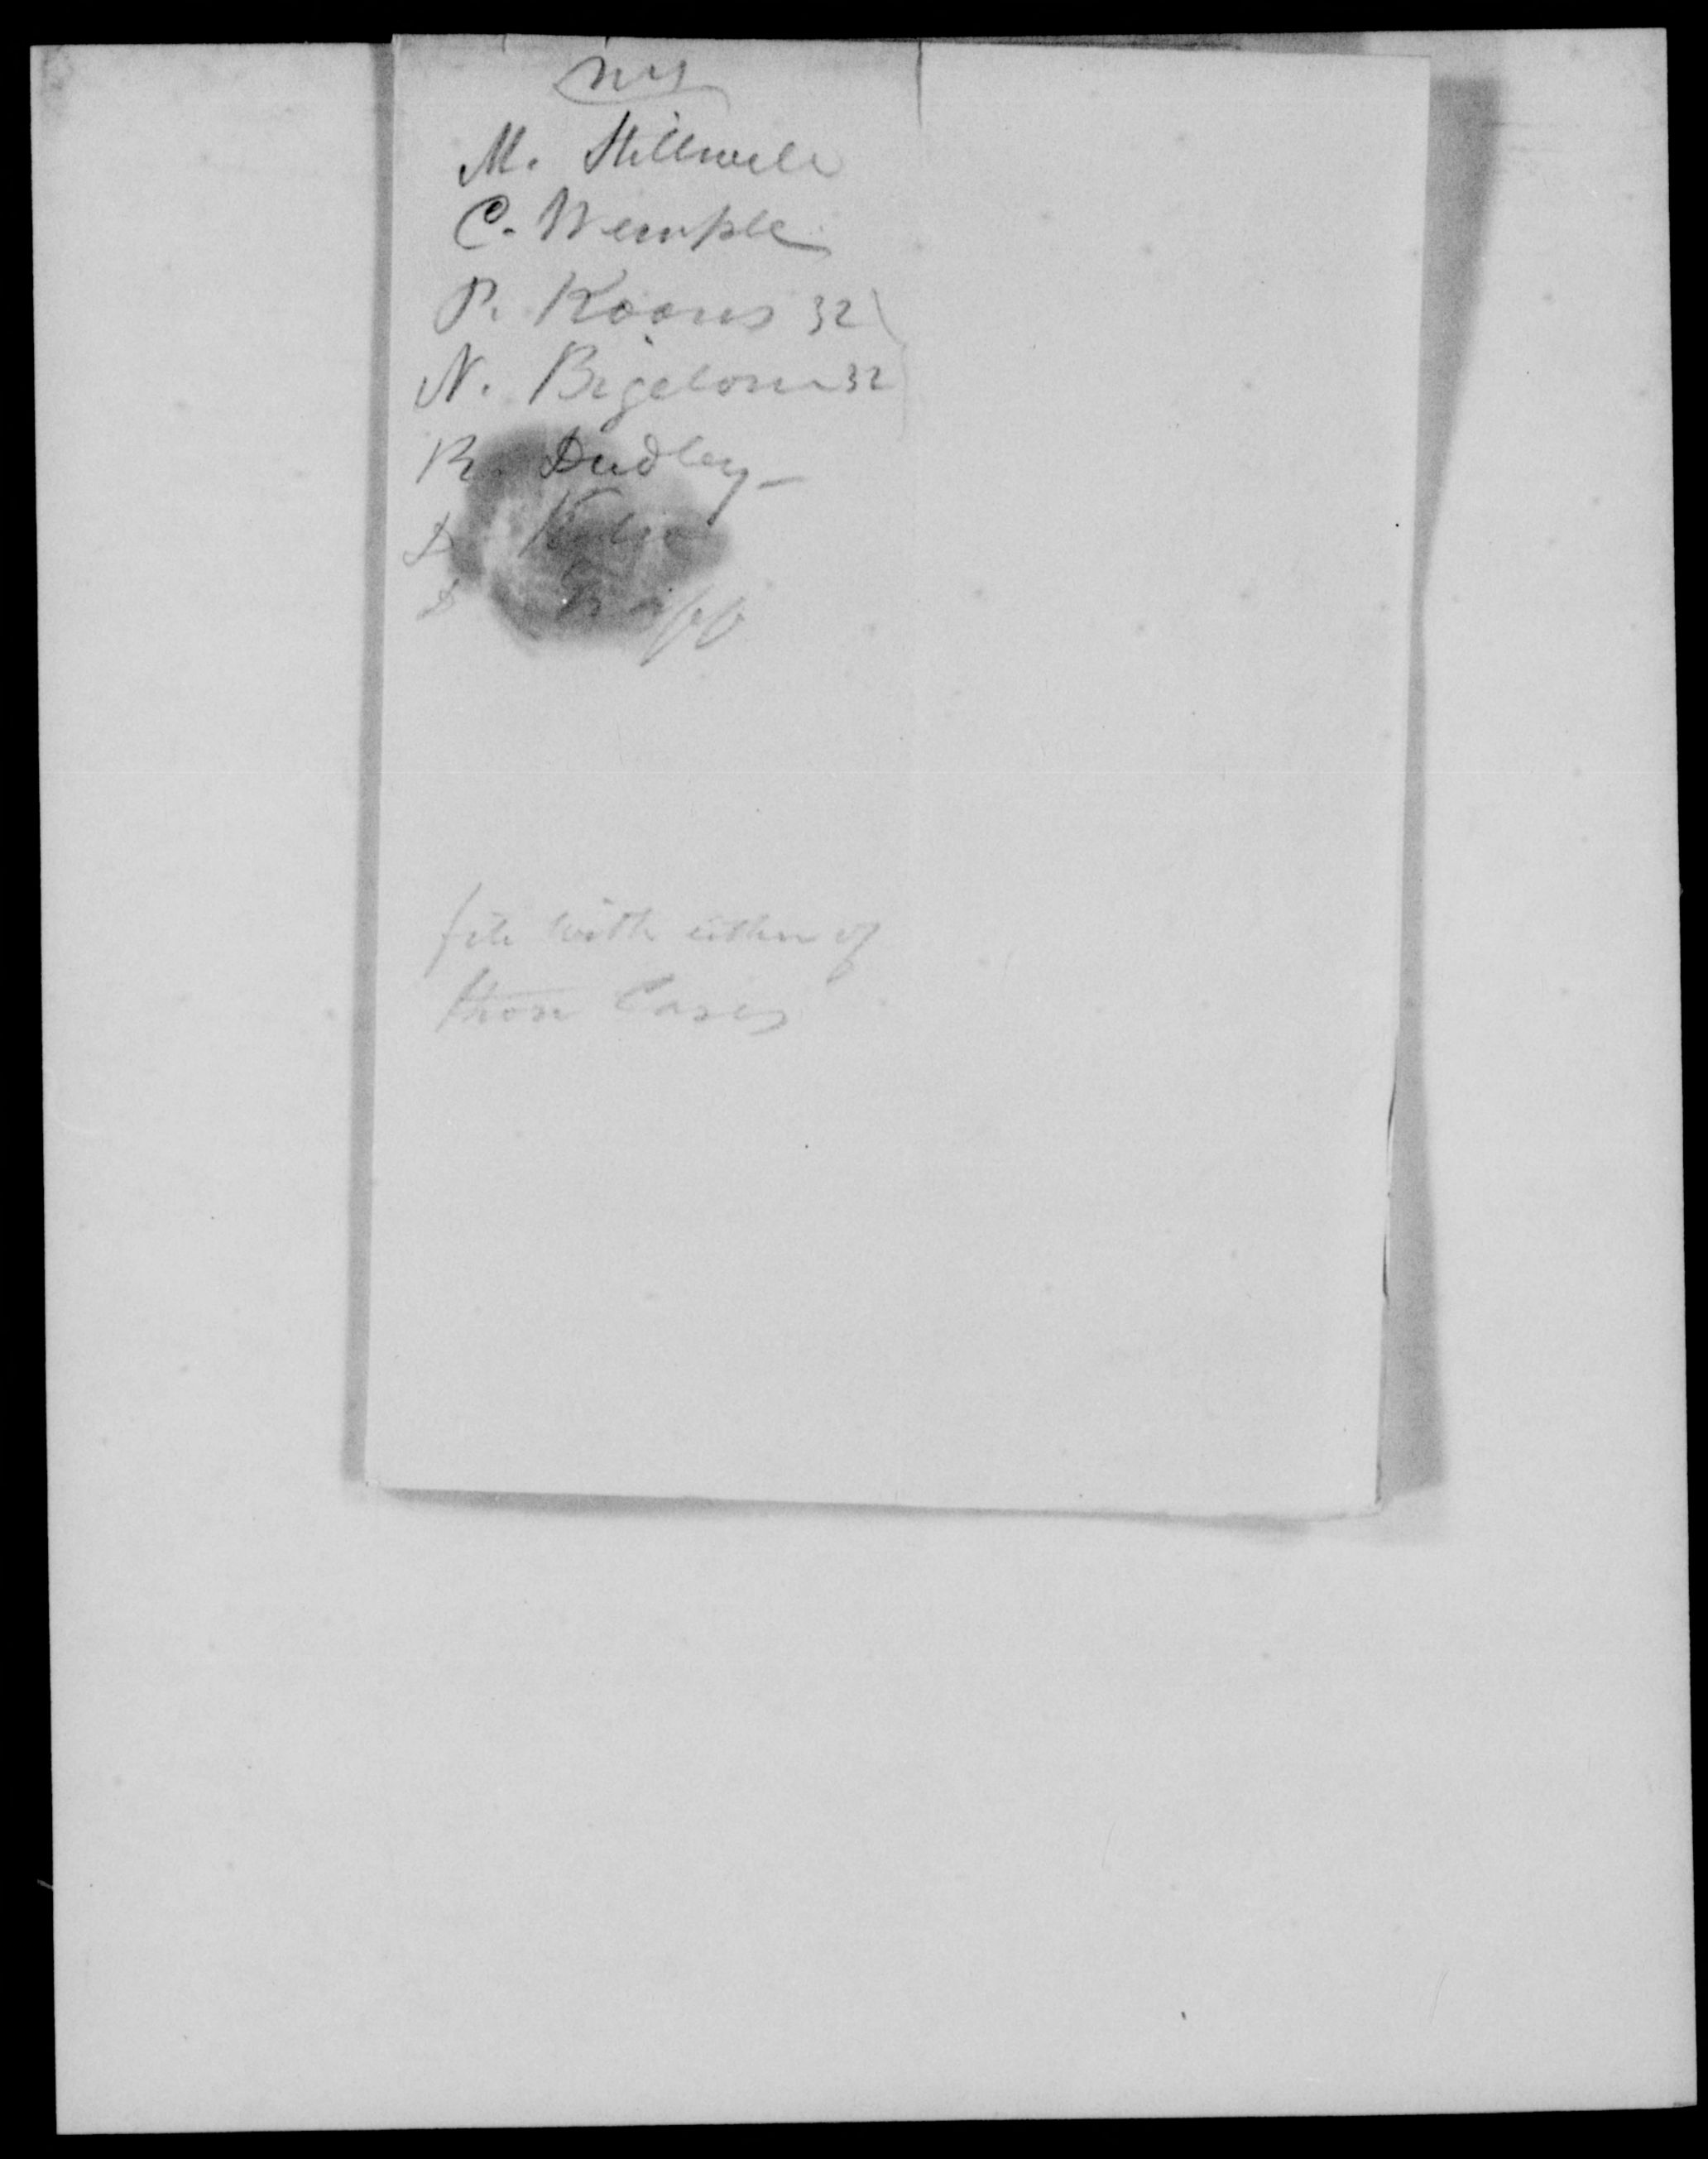NY
M. Stillwell
C. Wemple
P. Koons 32}
N. Bigelow 32}
R. Dudley
D. Kelso
D. Graff


file with either of
those cases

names: N Bigelow, D Graff, P Koons, C Wemple, M Stillwell, D Kelso, R Dudley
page: 22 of 51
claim: widow's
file: W. 19604, Myndert B Wemple, New York